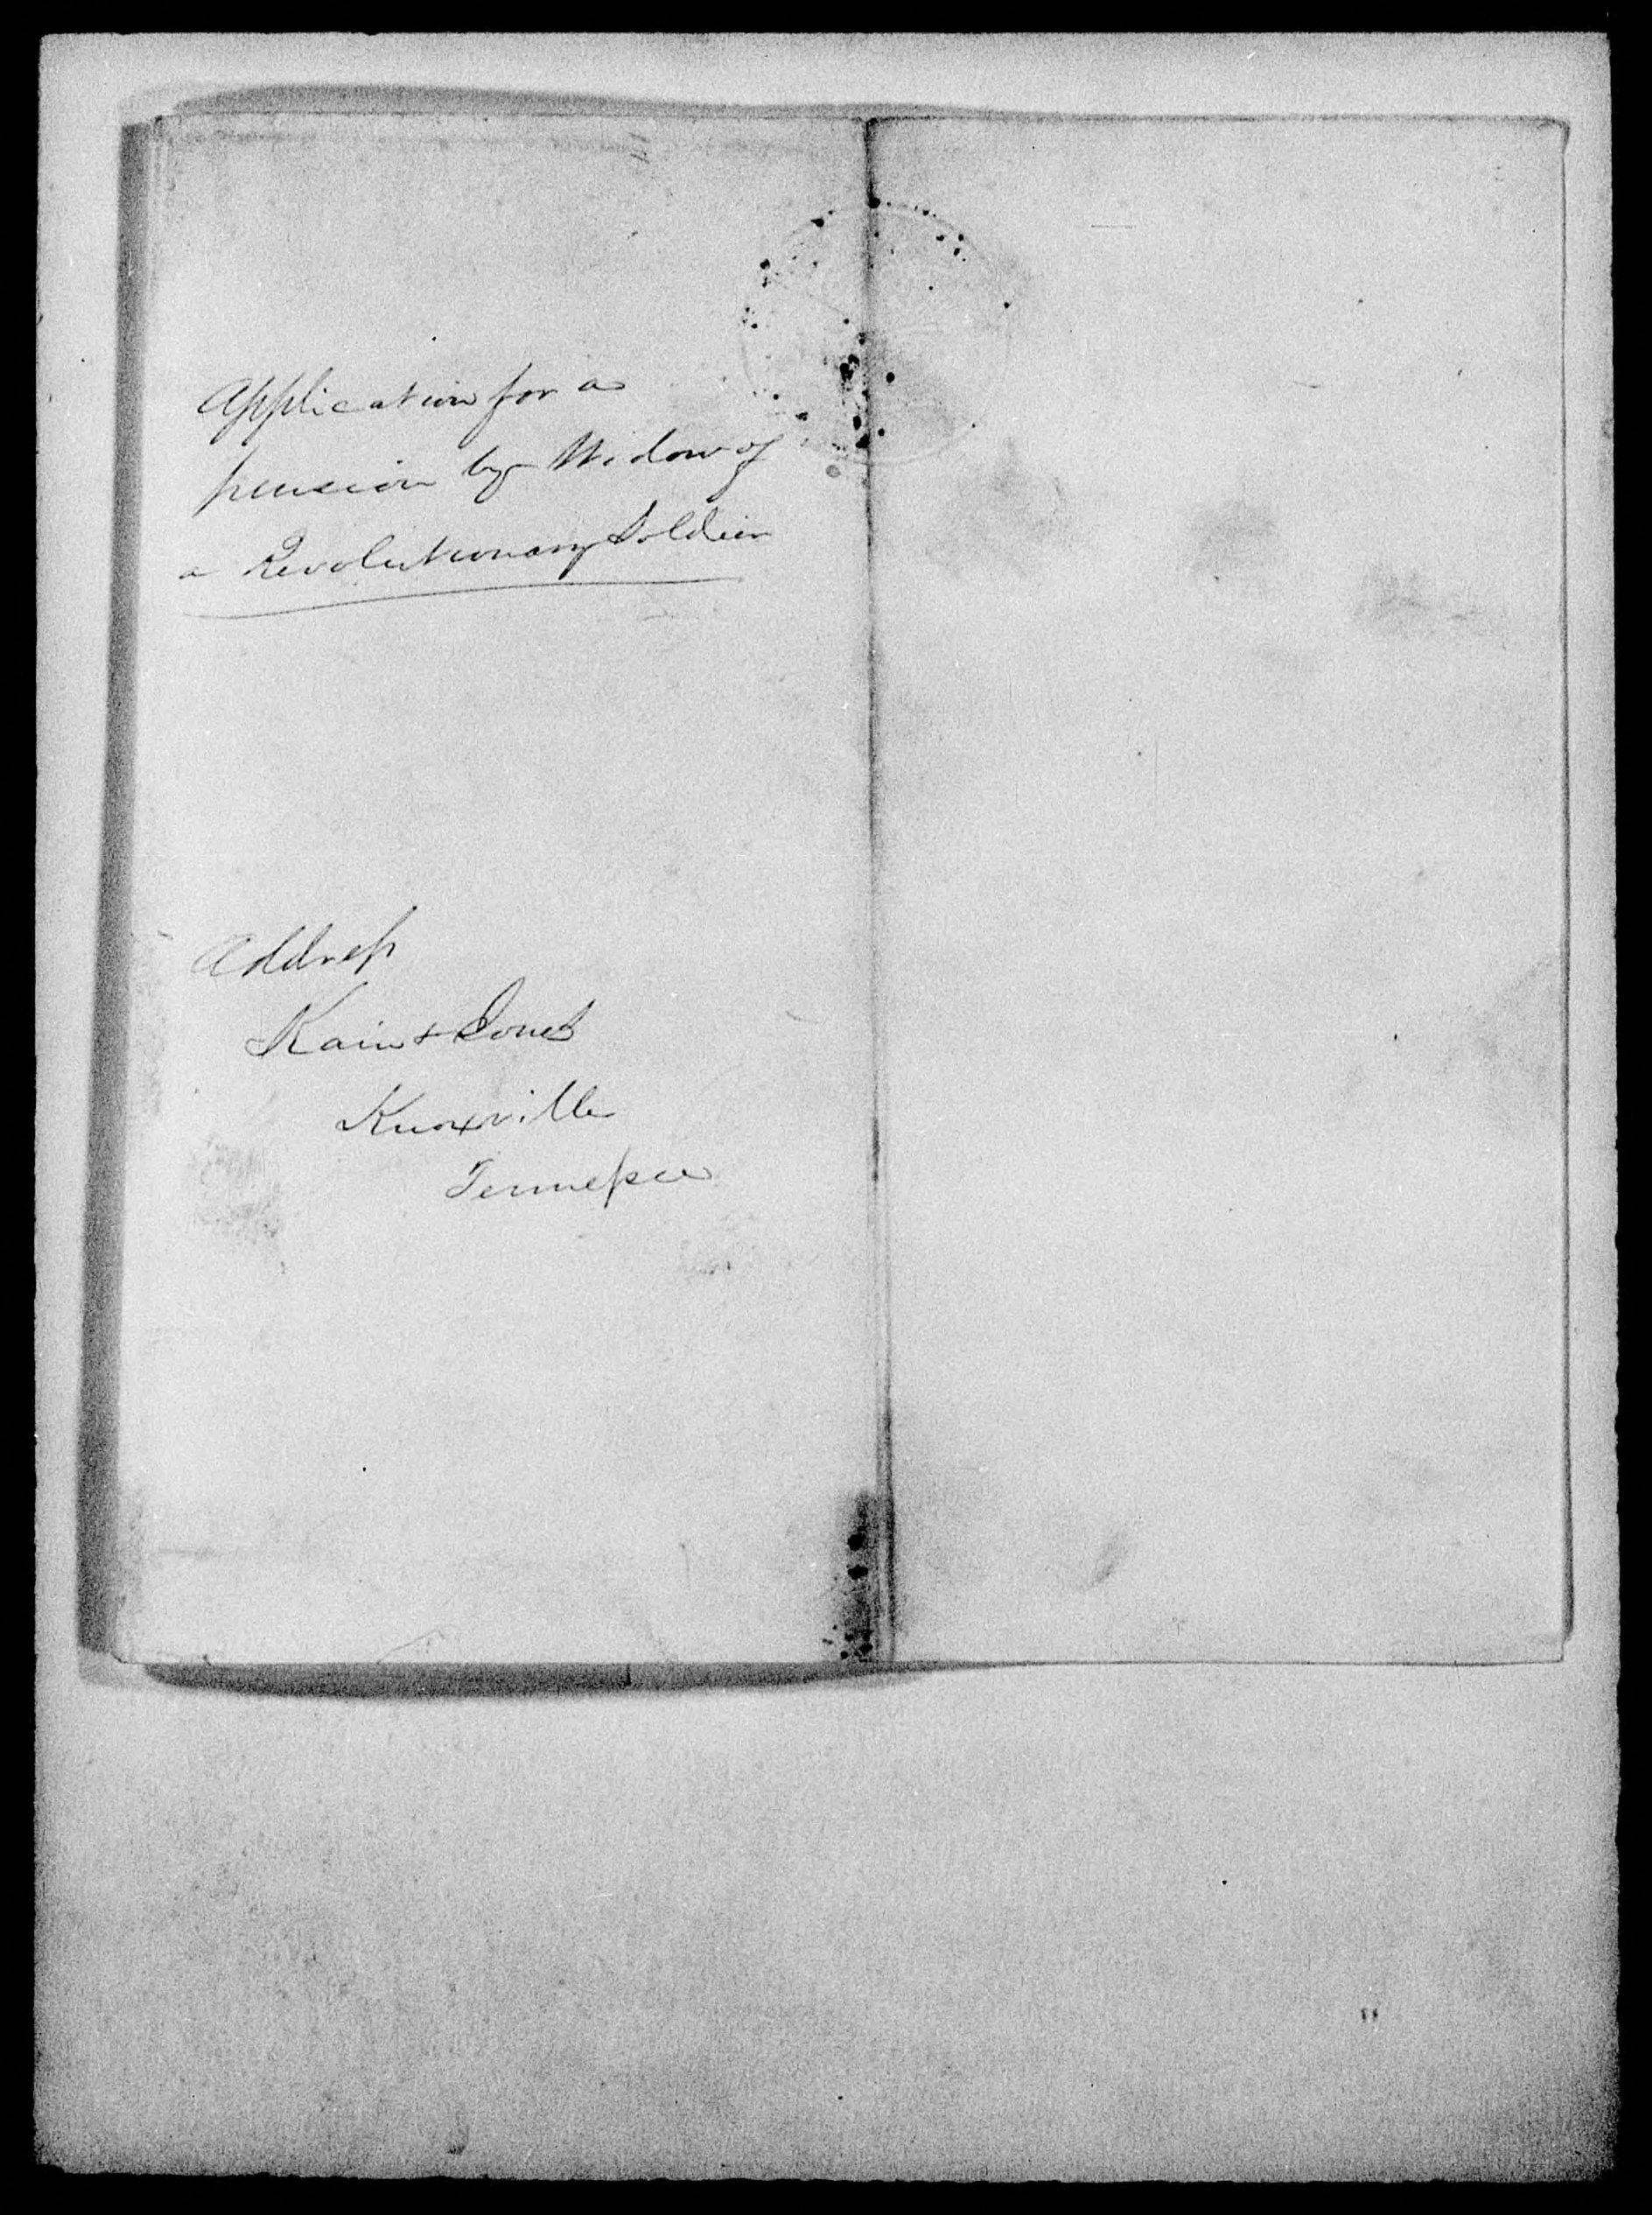Application for                        [A faded seal is centered over crease]
pension by Widow of 
Revolutionary Soldier
_______________________

Address
Kain + Jones
Knoxville
Tennessee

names: Kain, Jones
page: 3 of 24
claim: rejected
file: R. 4684, Simon Harris, Va.